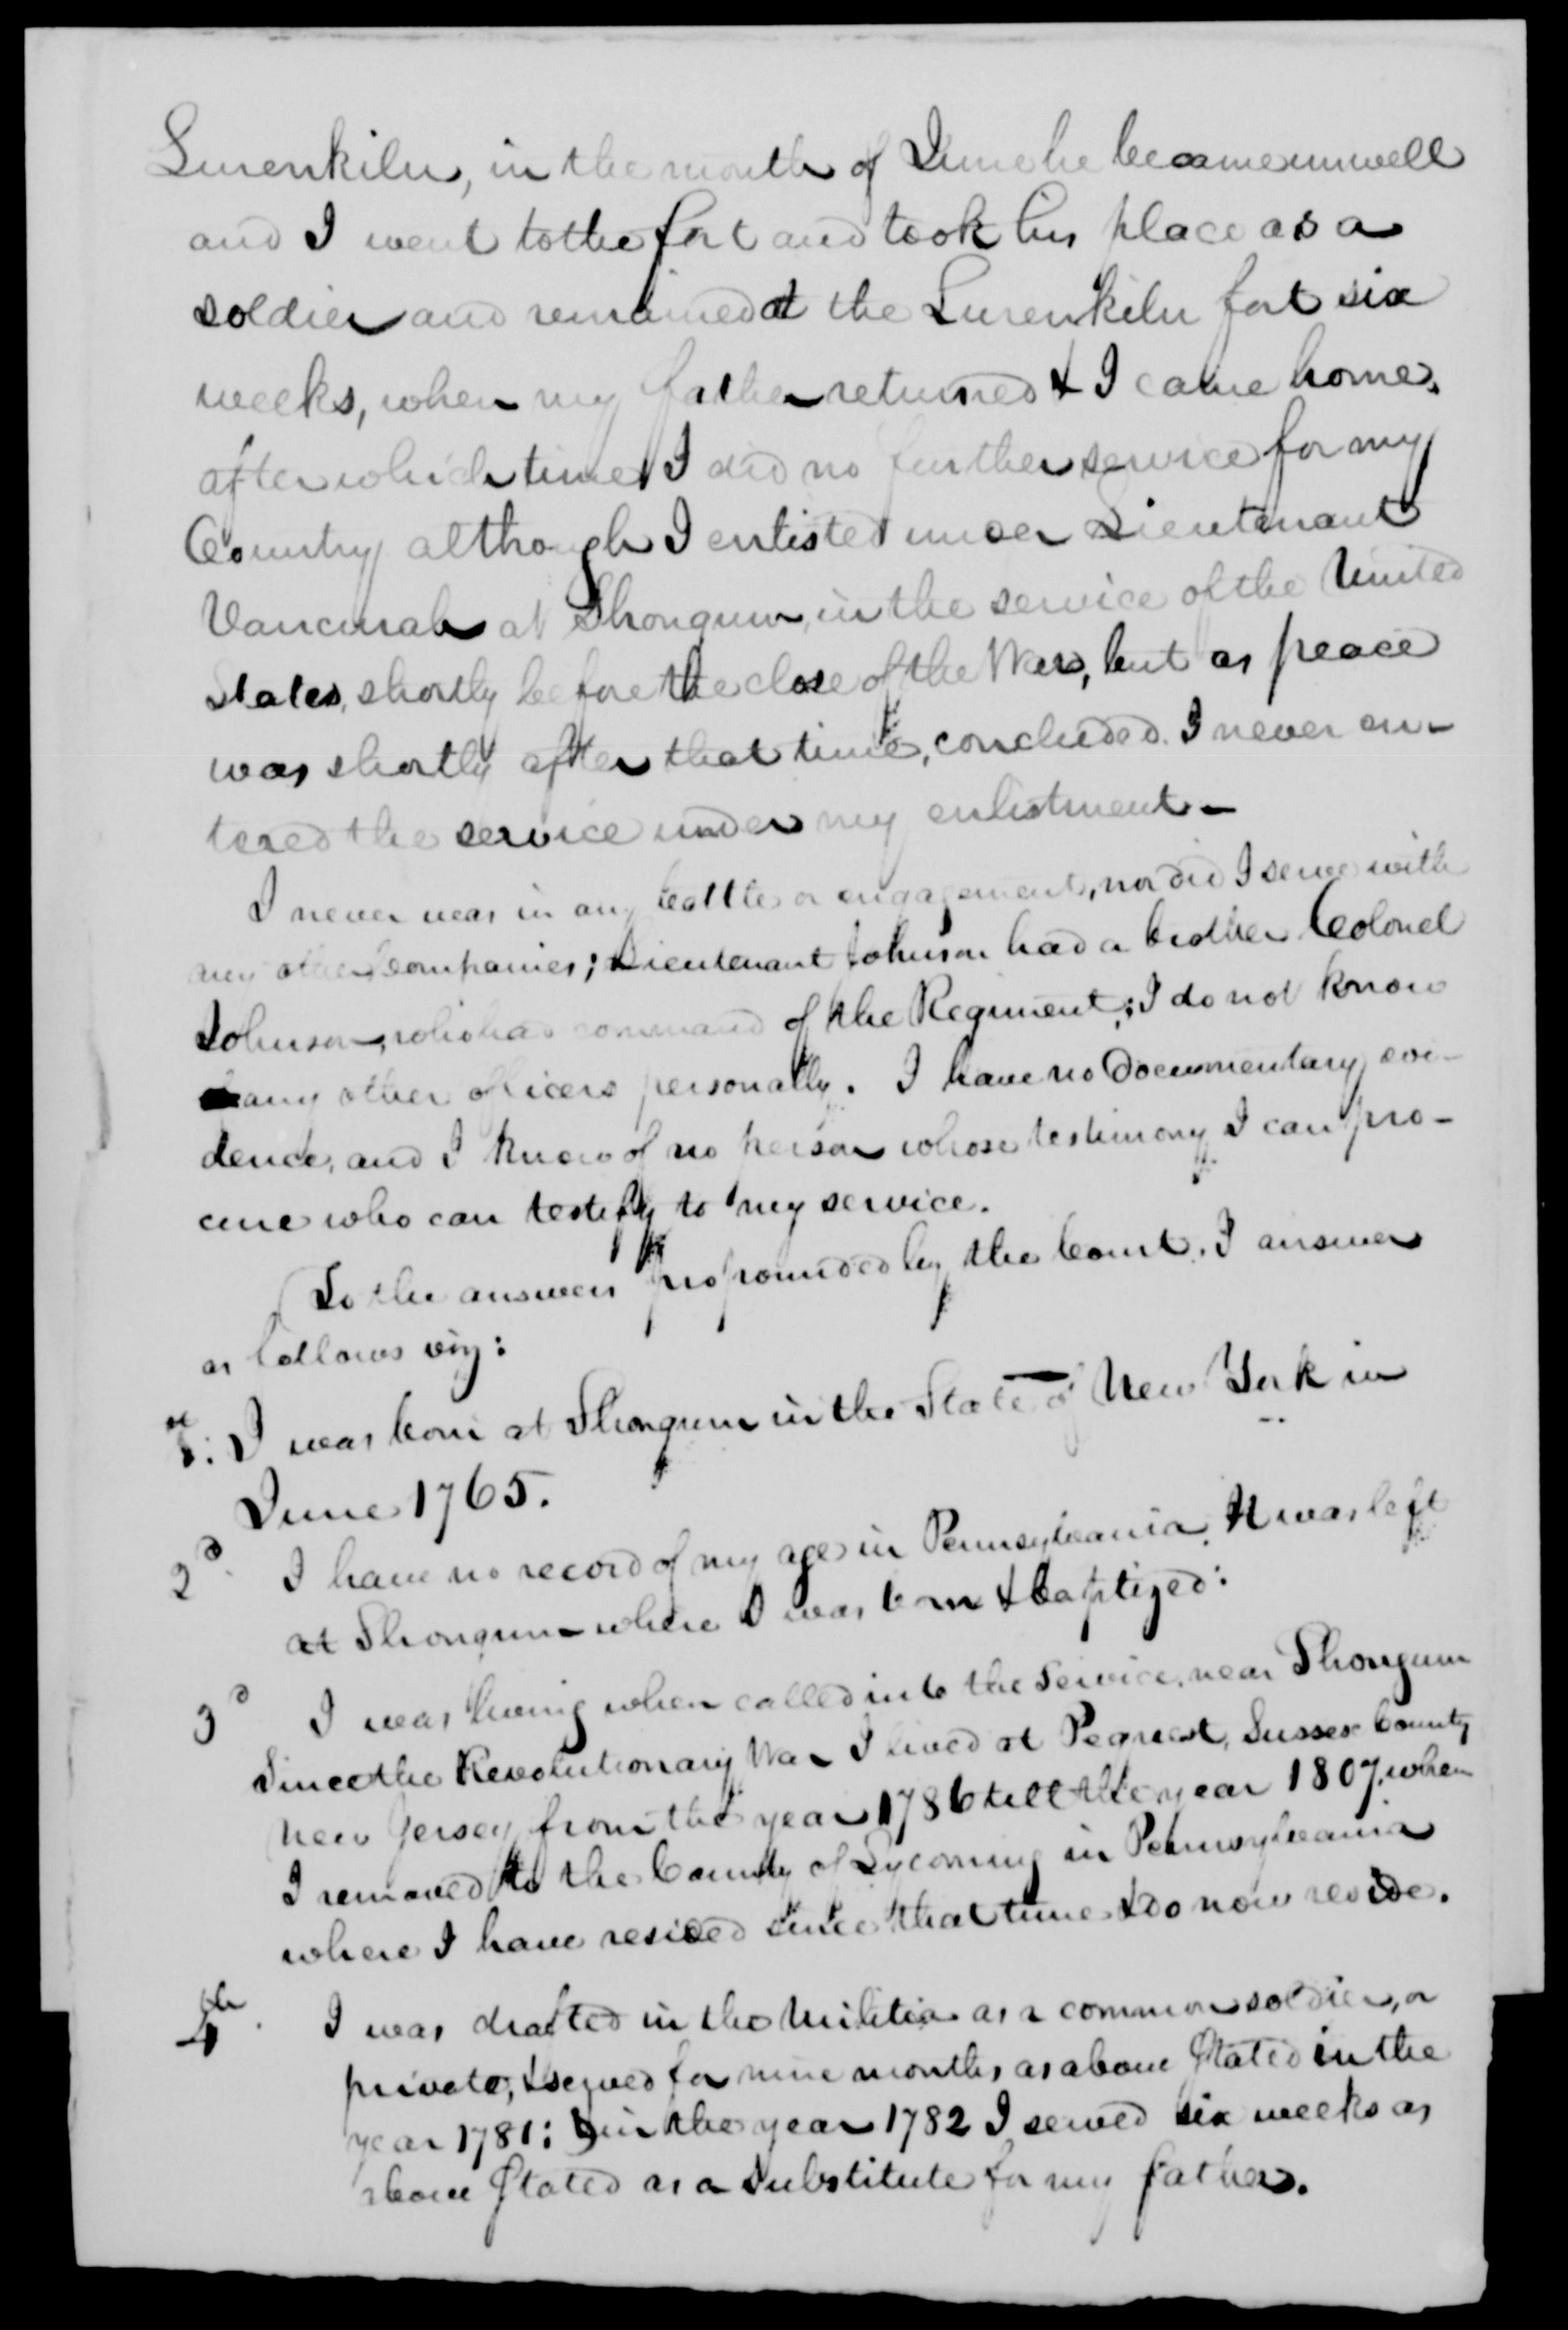Lurenkiln in the month of June he became unwell and I went to the fort and took his place as a soldier and remained at the Lurenkiln fort six weeks when my father returned & I came home. after which time I did no further service for my Country although I enlisted under Lieutenant Vancurah at Shongum in the service of the United States shortly before the close of the War, but as peace was shortly after that time, concluded I never entered the service under my enlistment
I never was in any battle or engagement, nor did I serve with any other companies; Lieutenant Johnson had a brother Colonel Johnson had command of the Regiments . I do not know any other officers personally.  I have no documentary evidence and I know of no person whose testimony I can procure who can testify to my service. 
To the answers proposed by the Court I answer as follows viz:
1st I was born at Shongum in the State of New York in June 1765.
2d I have no record of my age in Pennsylvania. It was left at Shongum where I was born & baptized
3d I was living when called into the Service, near Shongum Since the Revolutionary War I lived at Pequest Sussex County New Jersey from the year 1786 till the year 1807 when I removed to the County of Lycoming in Pennsylvania where I have resided since that time & do now reside.
I was drafted in the militia as a common soldier or private & served for nine months as above stated in the year 1781; & in the year 1782 I served six weeks as above stated as a substitute for my father.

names: [BLANK] Johnson; [BLANK] Johnson; [BLANK] Vanconab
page: 5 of 23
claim: survivor's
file: S. 23008, for Benjamin Stage, New York